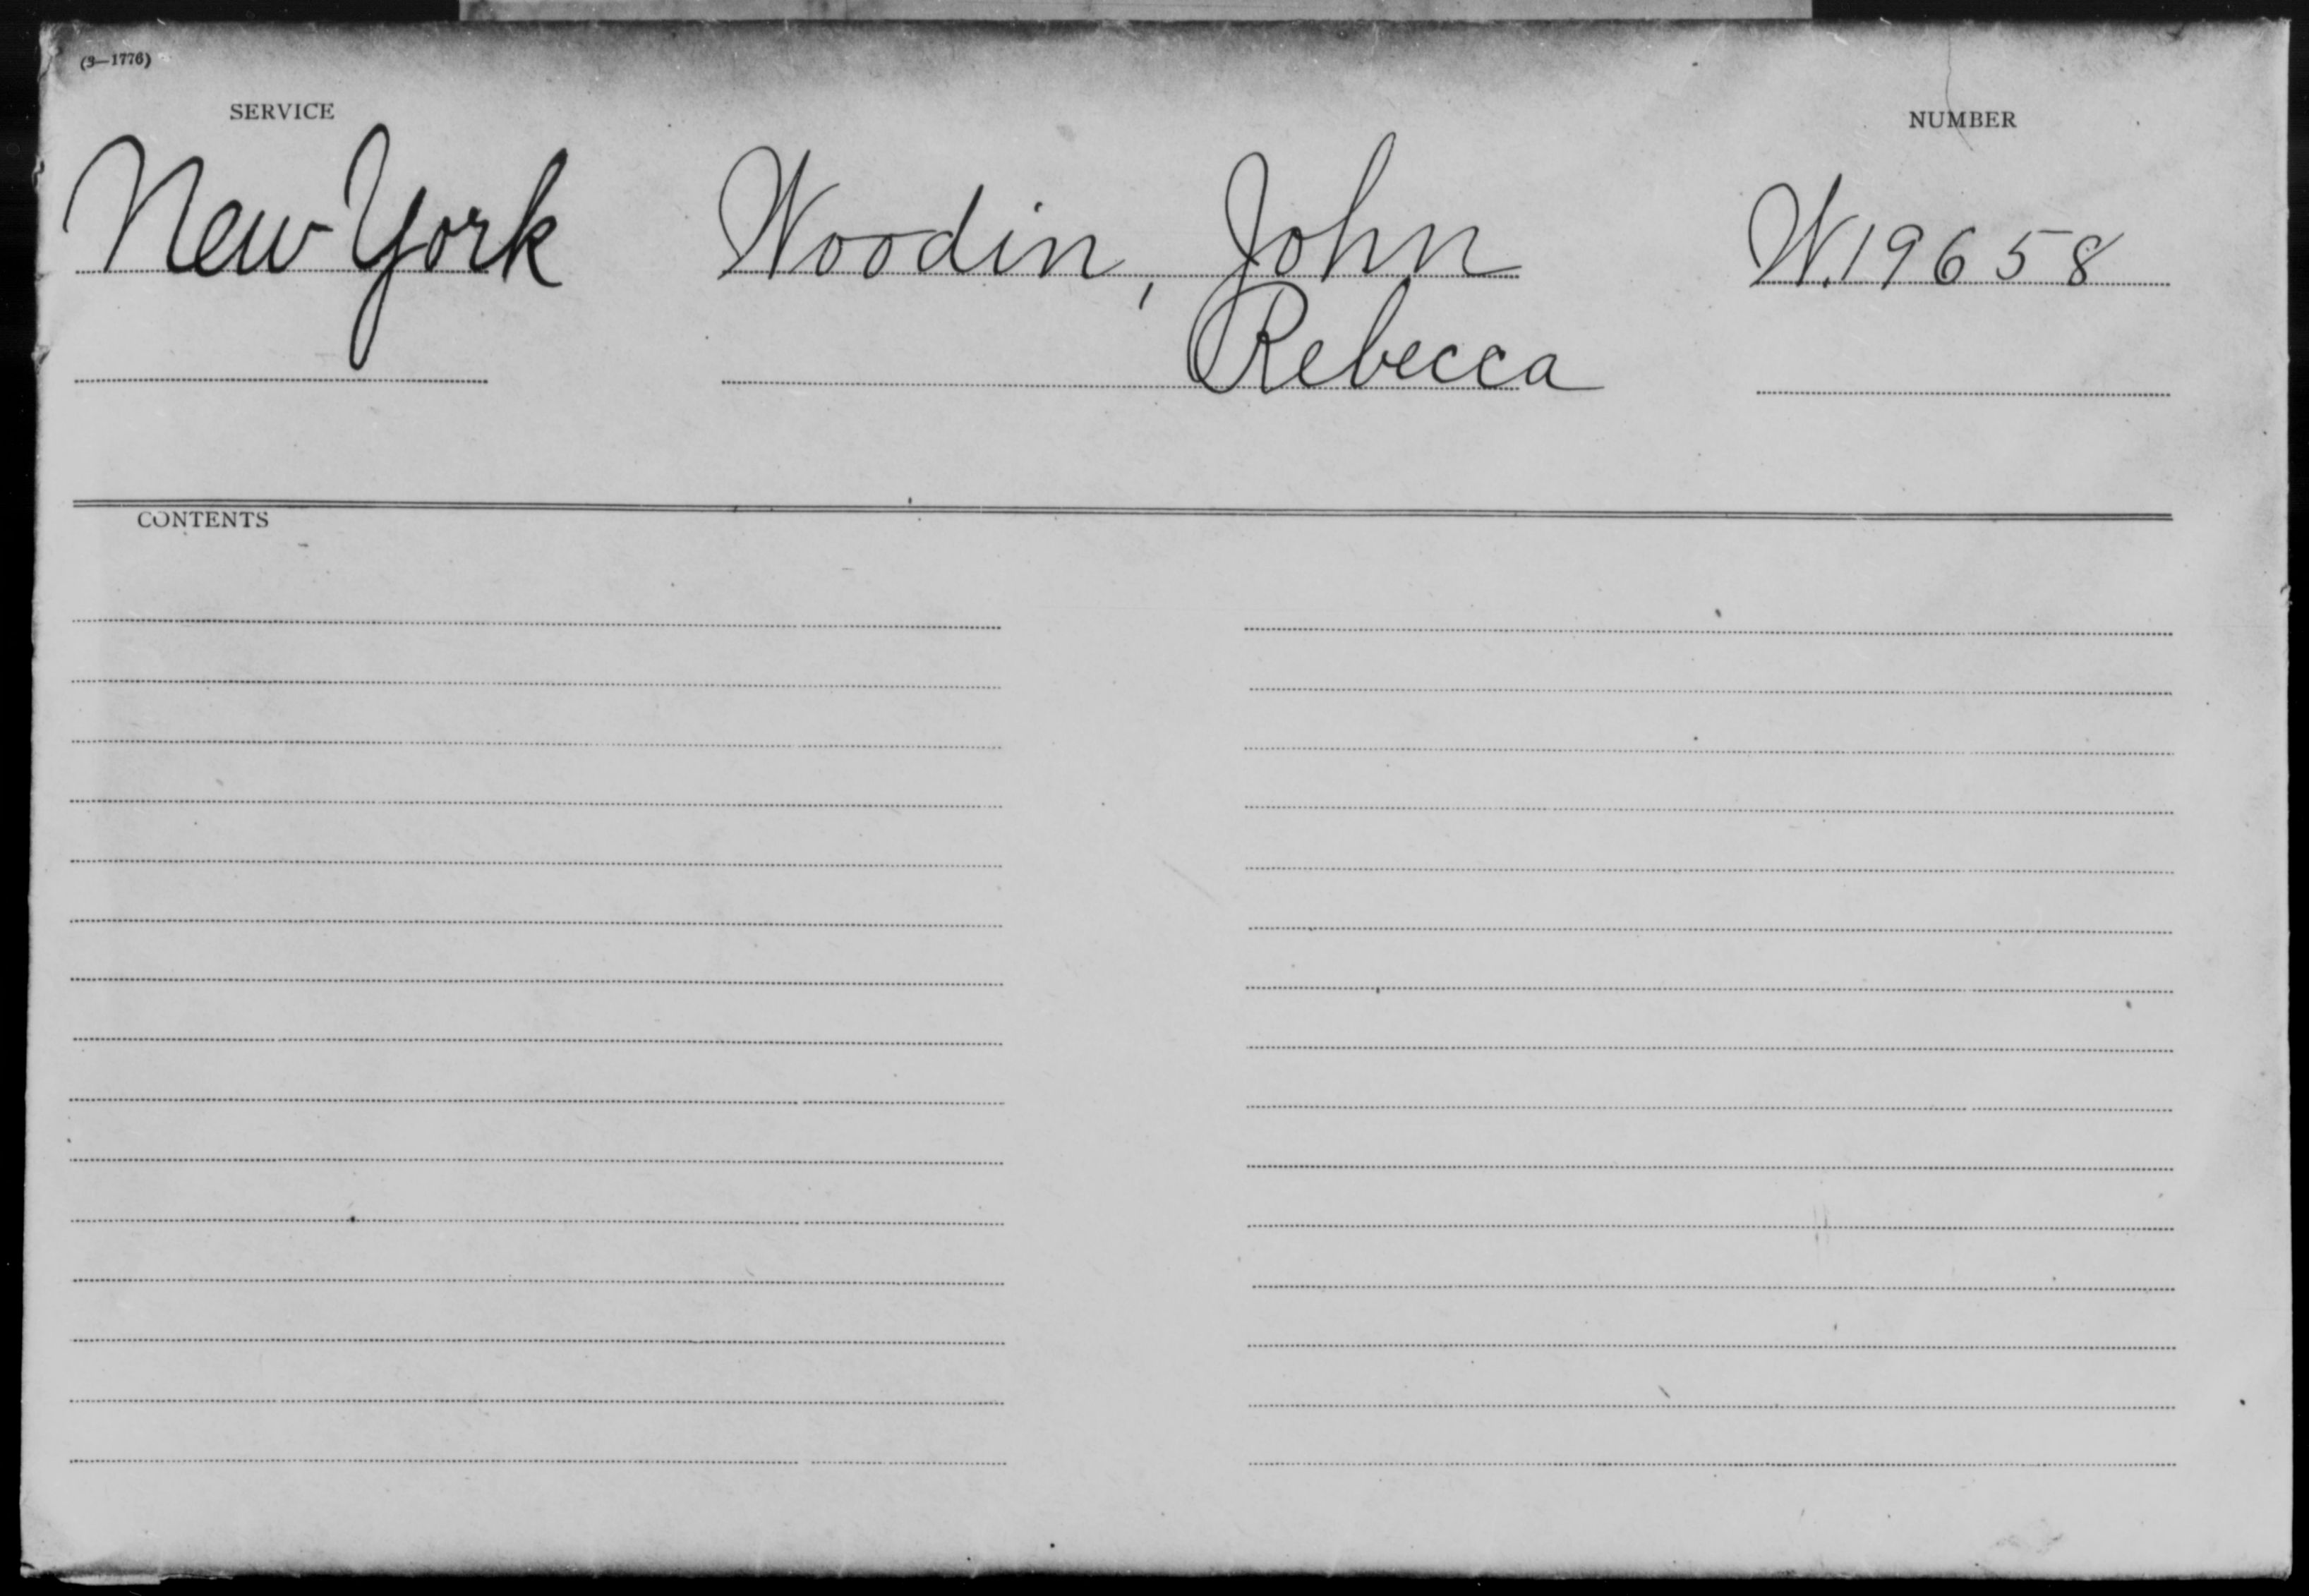SERVICE                                     NUMBER

New York           Woodin, John       W.19658
                                         Rebecca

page: 1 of 77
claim: widow's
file: W. 19658, John Woodin, New York